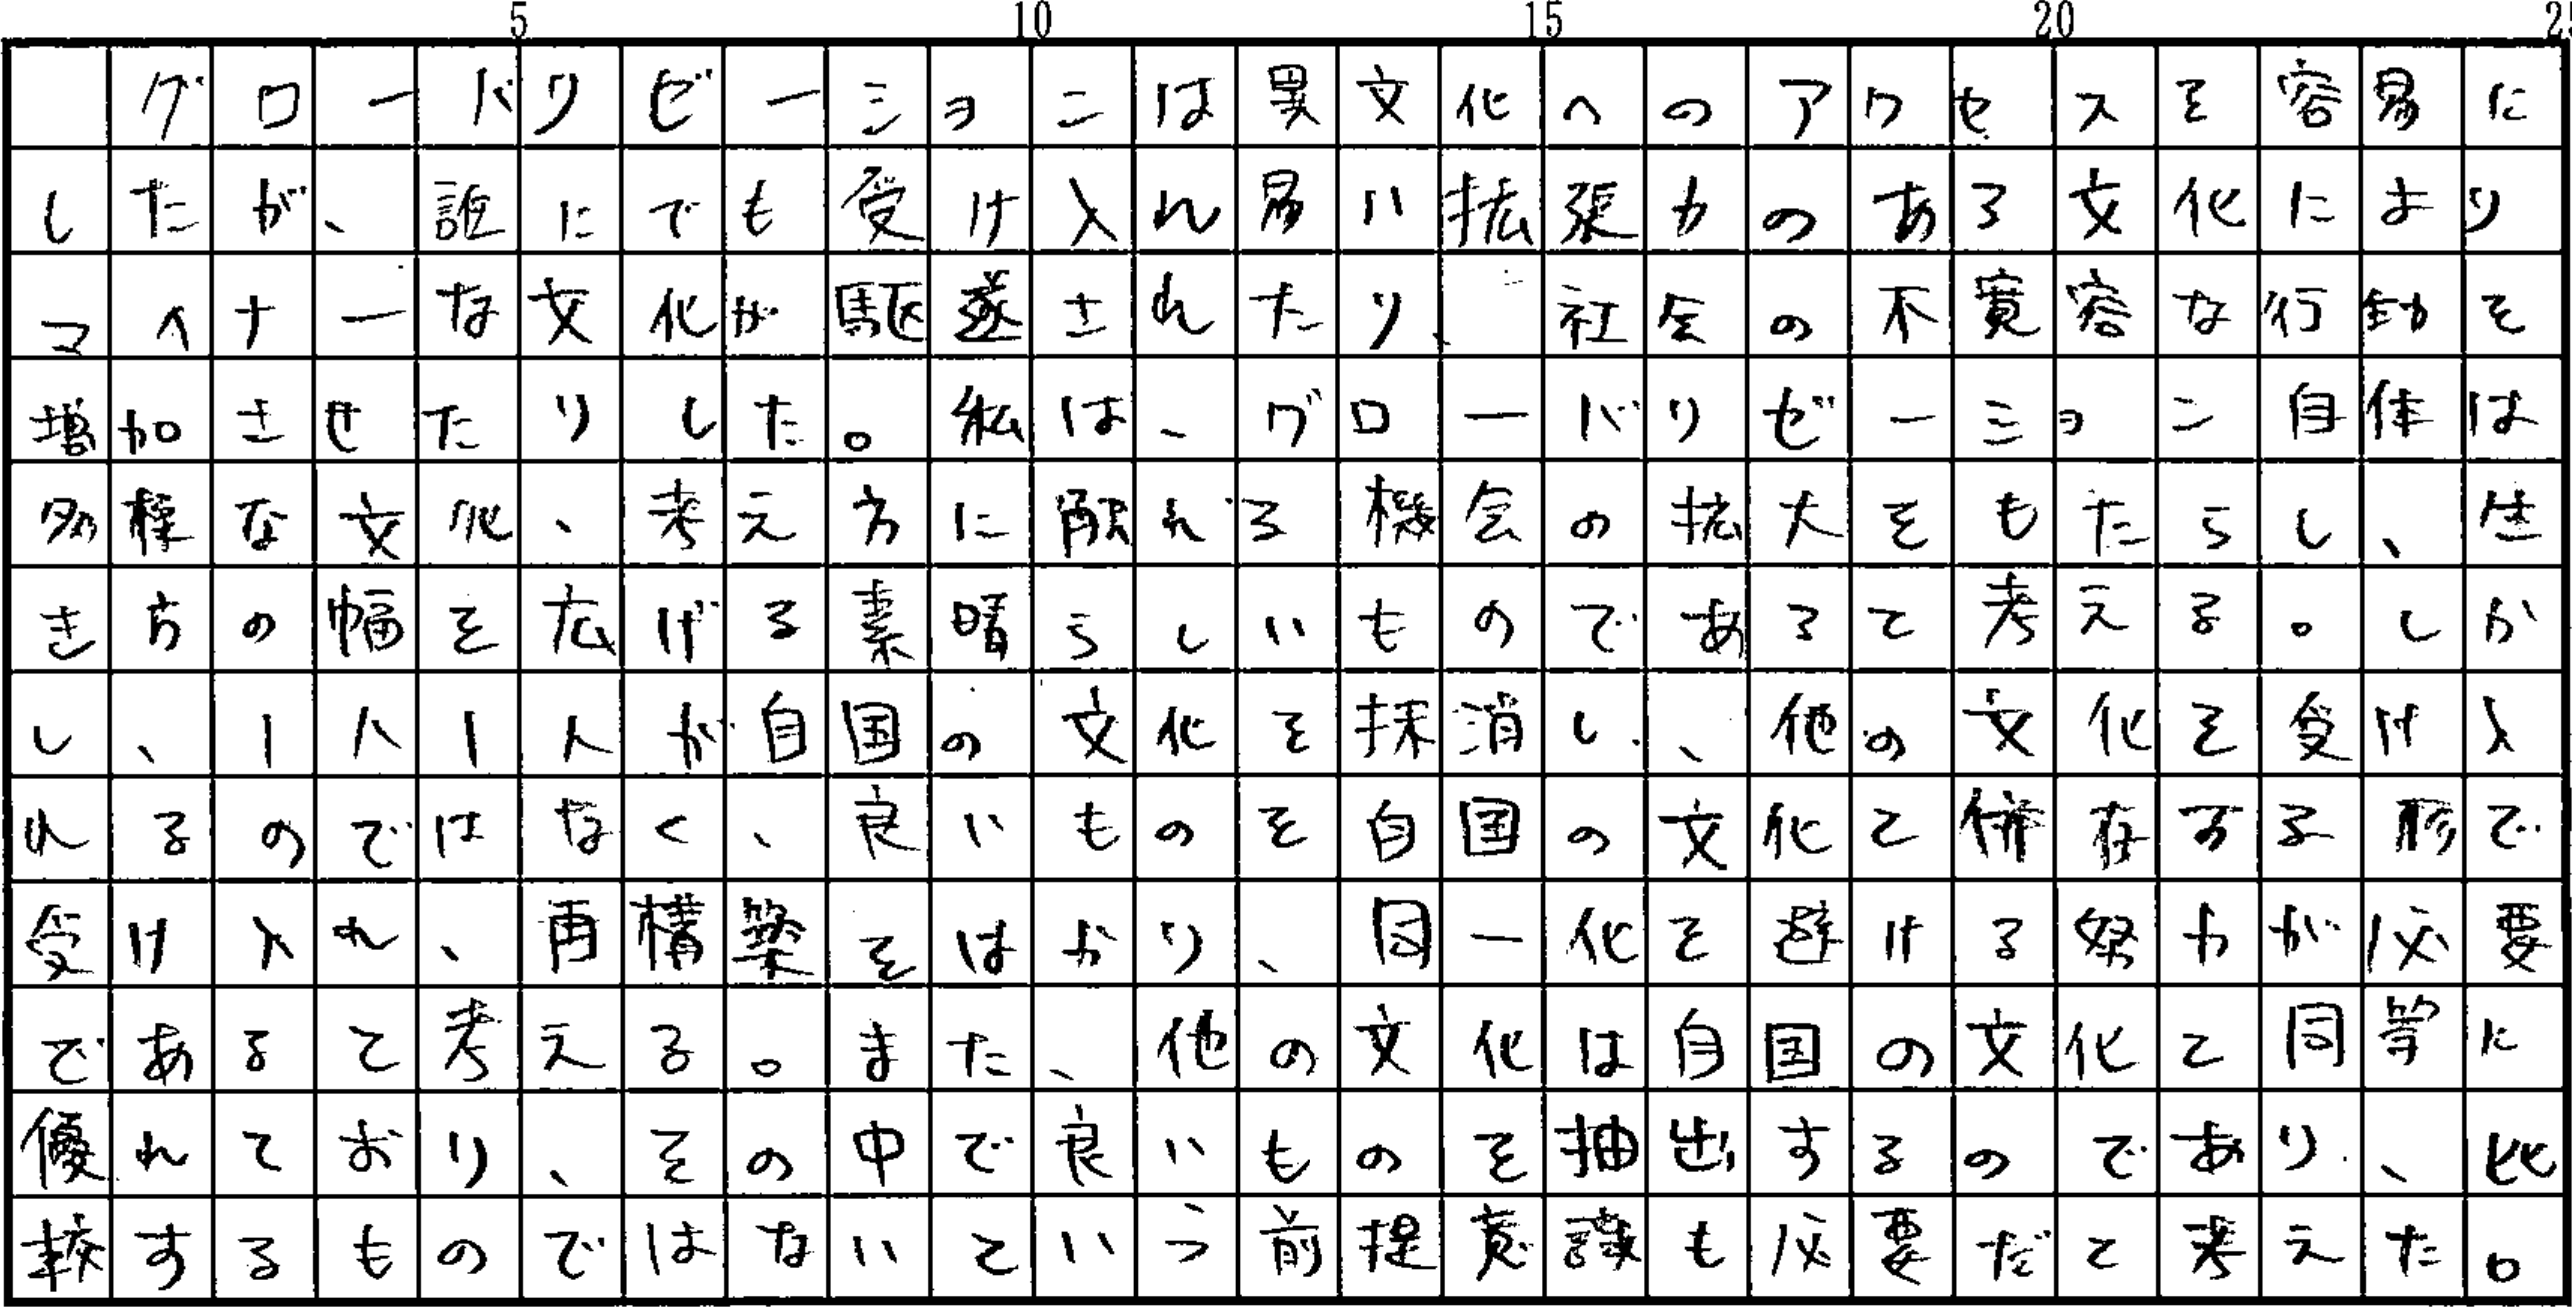　グローバリゼーションは異文化へのアクセスを容易にしたが、誰にでも受け入れ易い拡張力のある文化によりマイナーな文化が駆遂されたり、社会の不寛容な行動を増加させたりした。私は、グローバリゼーション自体は多様な文化・考え方に触れる機会の拡大をもたらし、生き方の幅を広げる素晴らしいものであると考える。しかし、１人１人が自国の文化を抹消し、他の文化を受け入れるのではなく、良いものを自国の文化と併存する形で受け入れ、再構築をはかり、同一化を避ける努力が必要であると考える。また、他の文化は自国の文化と同等に優れており、その中で良いものを抽出するのであり、比較するものではないという前提意識も必要だと考えた。
